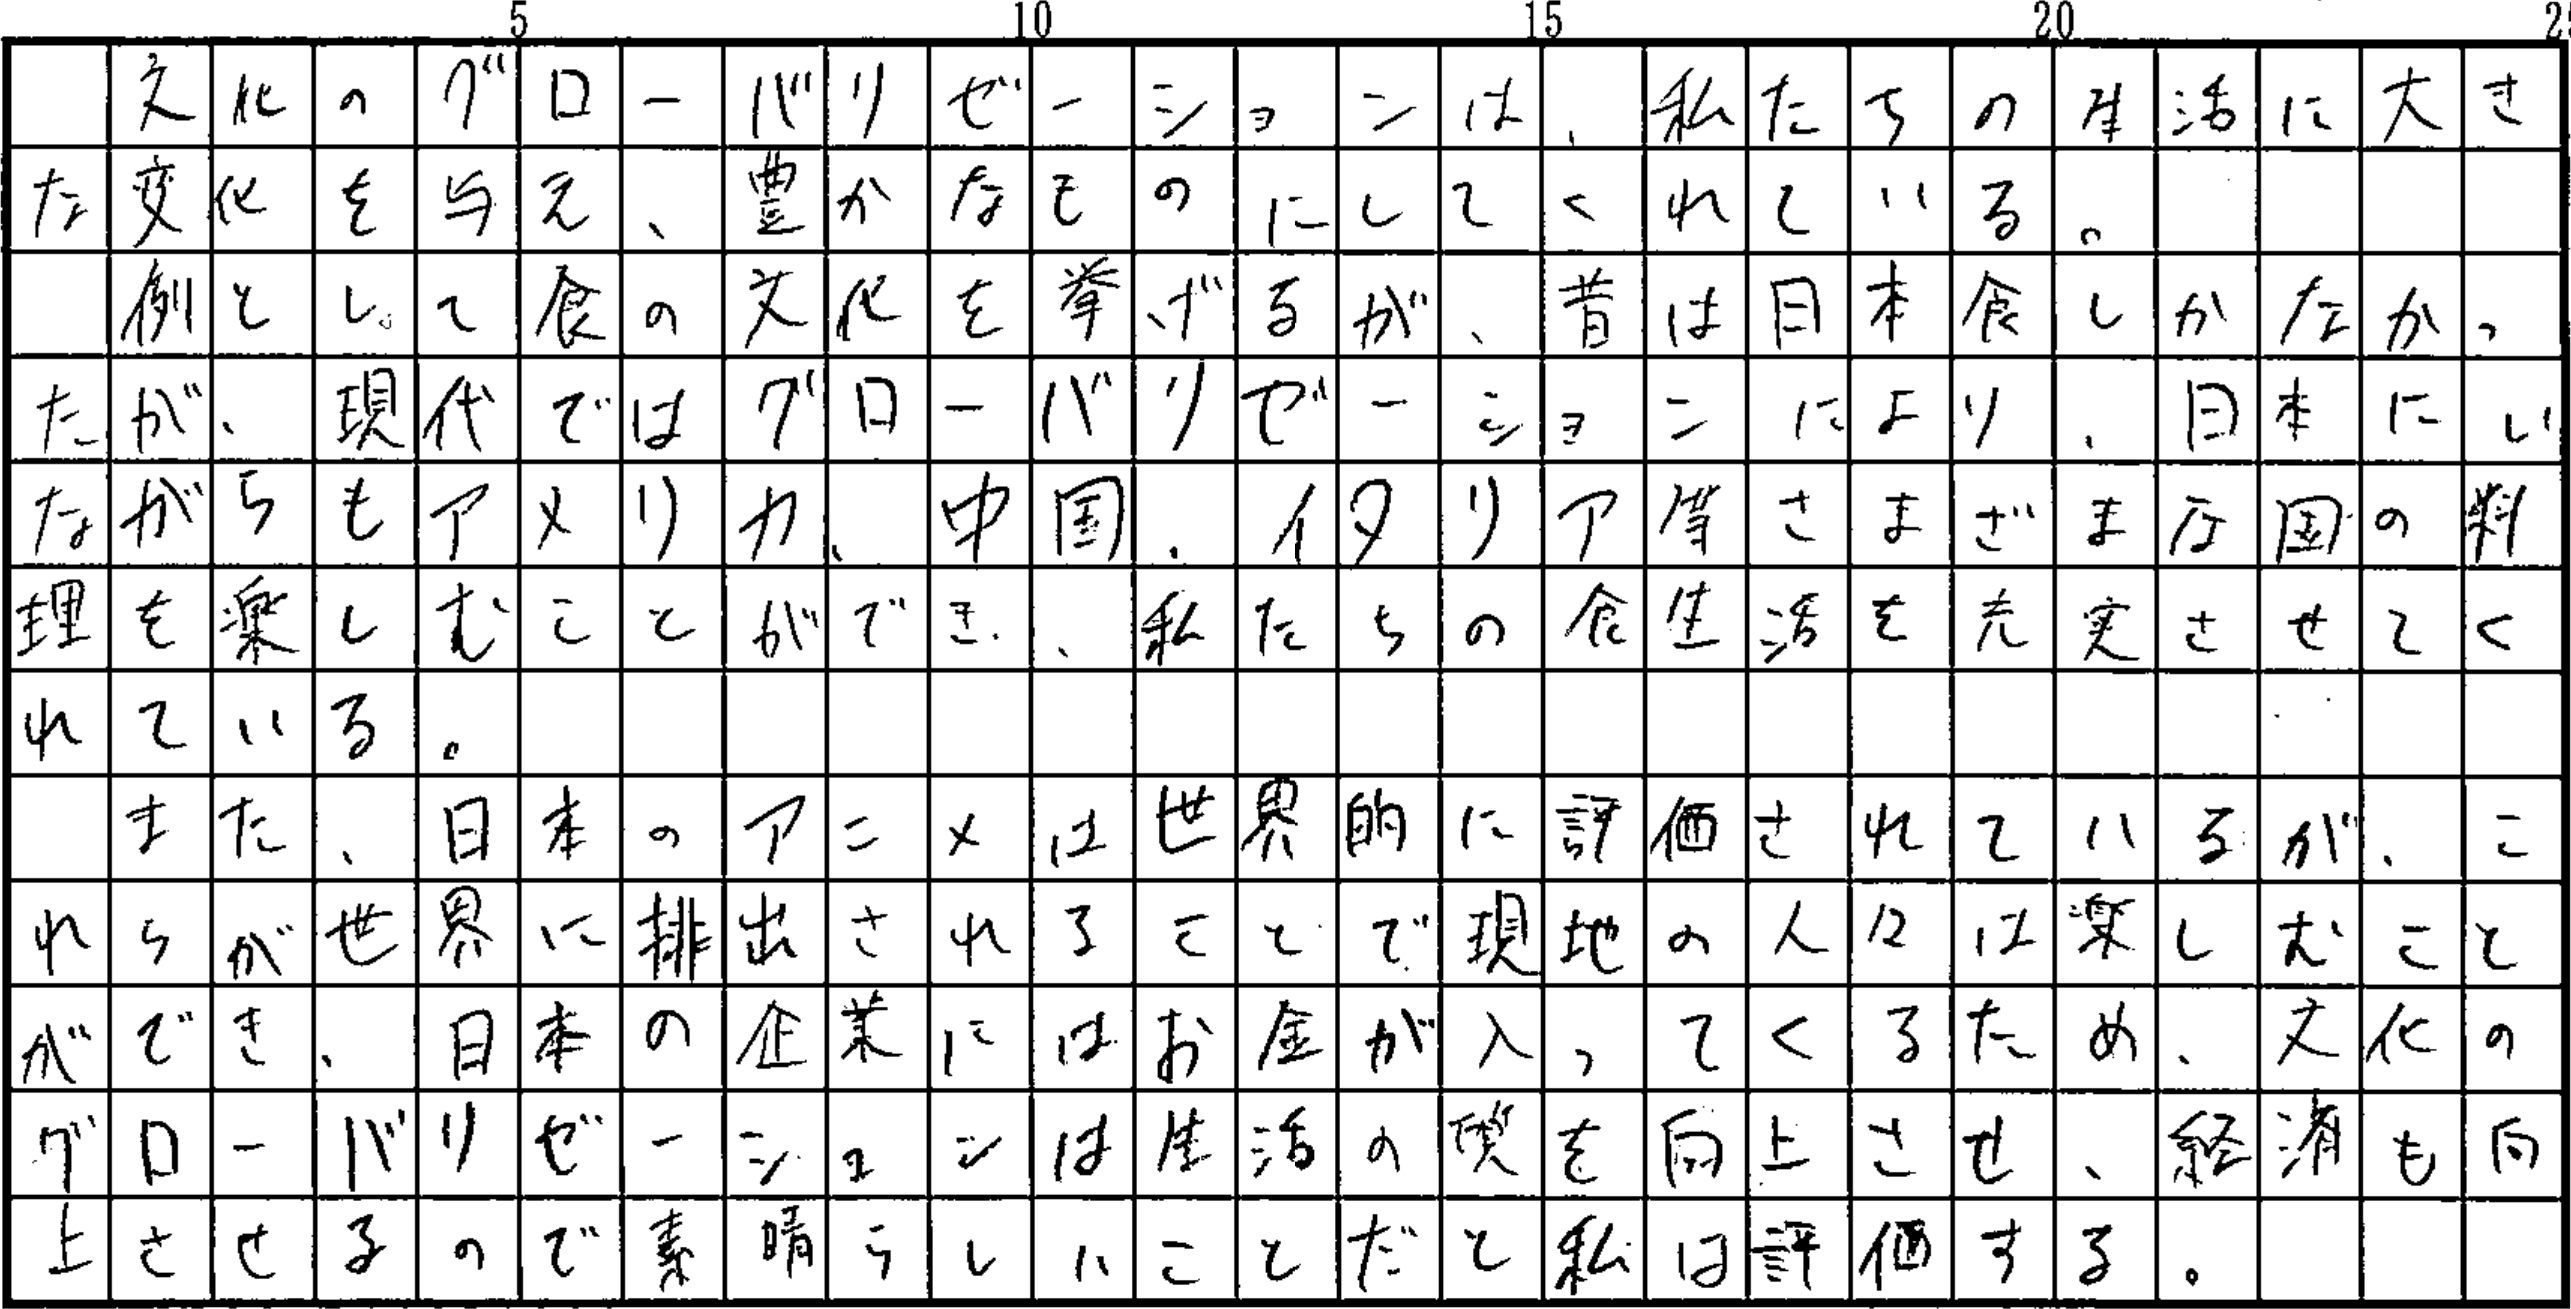　文化のグローバリゼーションは、私たちの生活に大きな変化を与え、豊かなものにしてくれている。
　例として食の文化を挙げるが、昔は日本食しかなかったが、現代ではグローバリゼーションにより、日本にいながらもアメリカ、中国、イタリア等さまざまな国の料理を楽しむことができ、私達の食生活を充実されてくれている。
　また、日本のアニメは世界的に評価されているが、これらが世界に排出されることで現地の人々は楽しむことができ、日本の企業にはお金が入ってくるため、文化のグローバリゼーションは生活の質を向上させ、経済も向上させるので素晴らしいことだと私は評価する。
